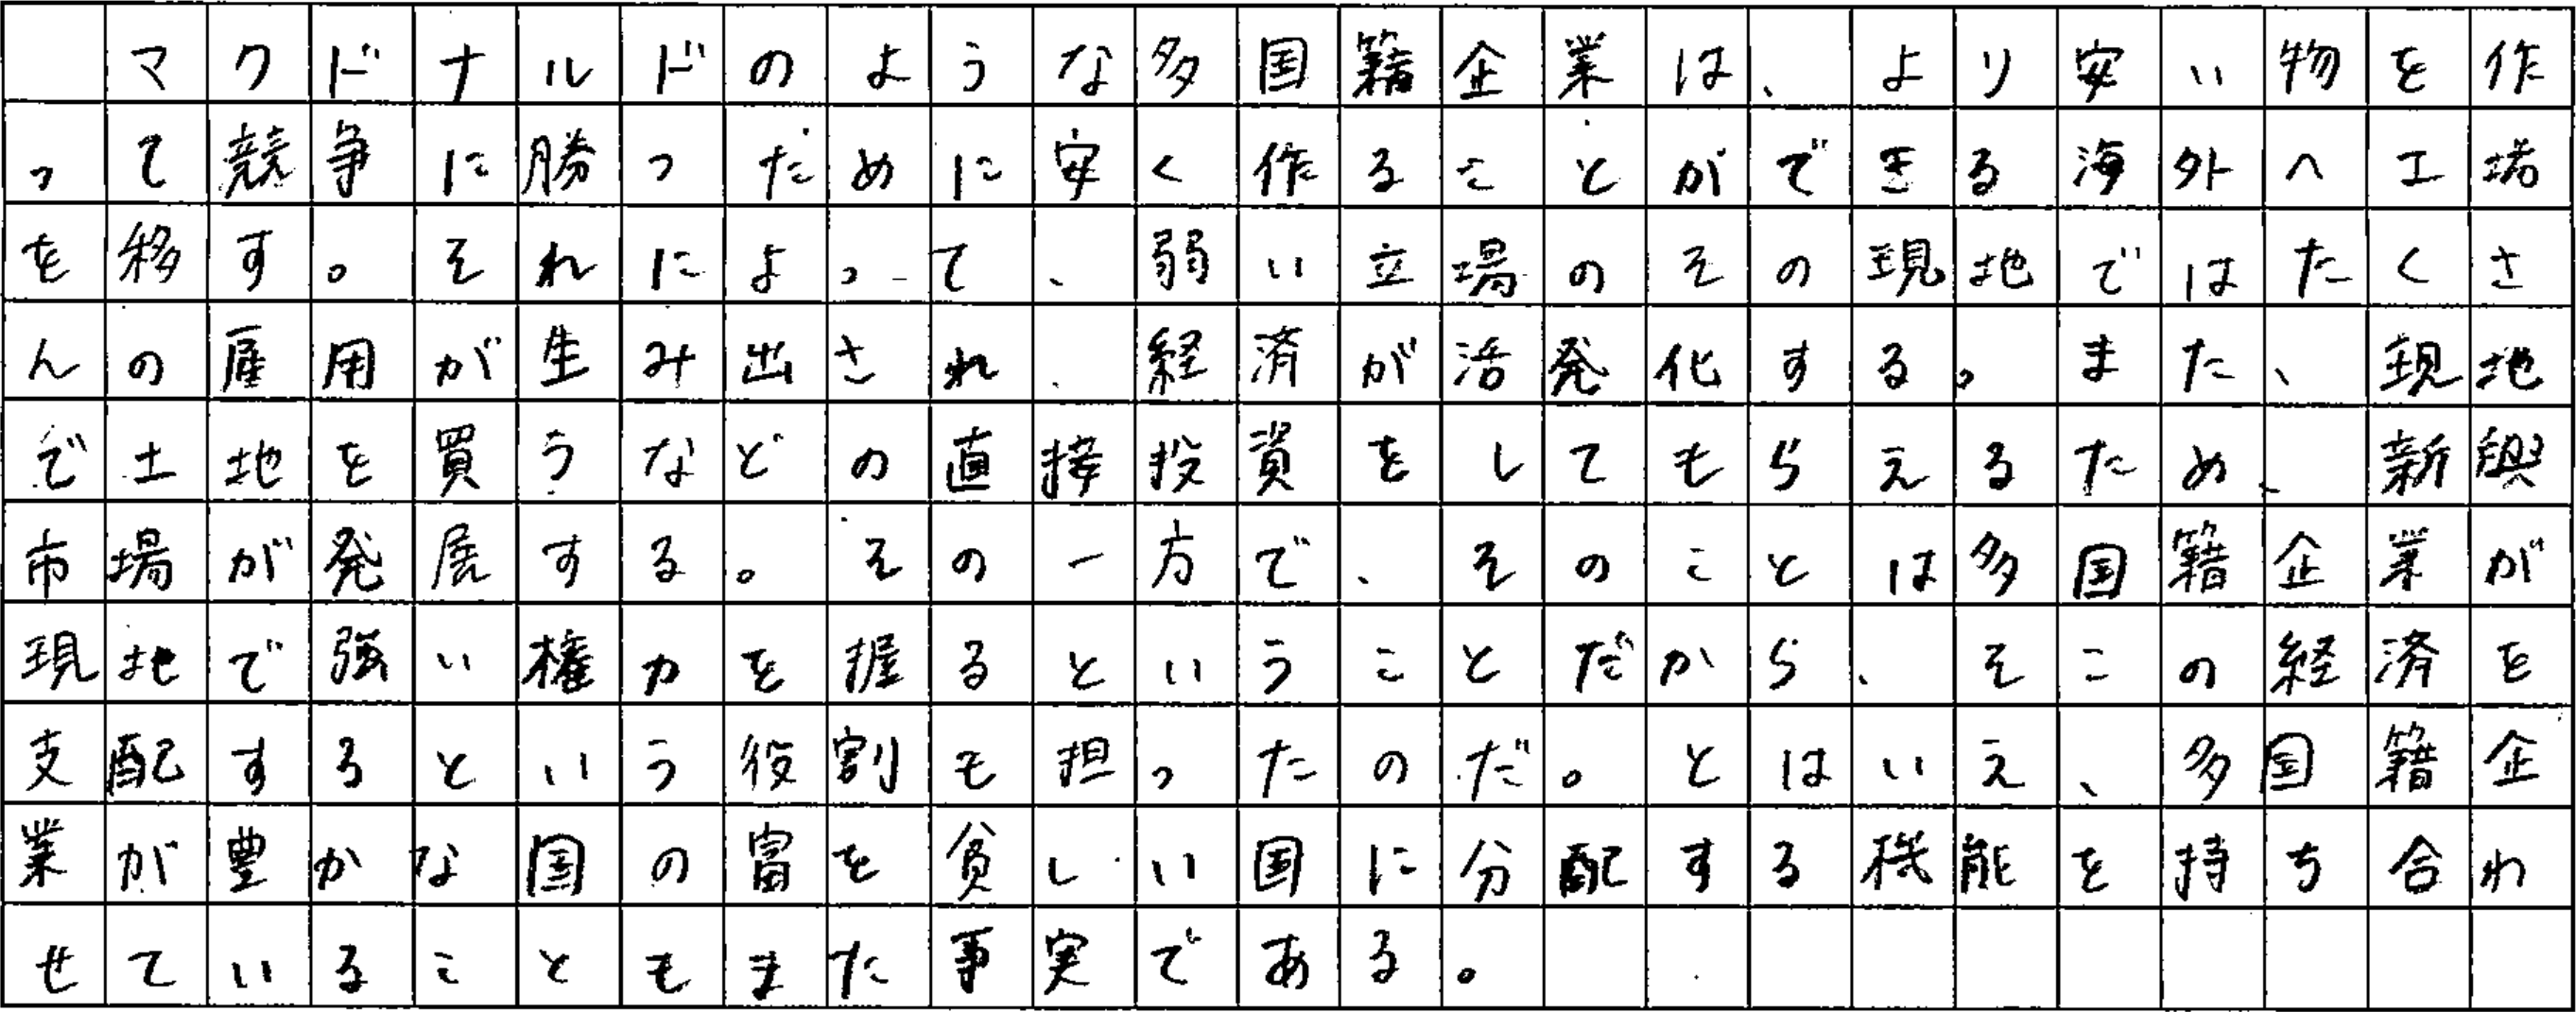　マクドナルドのような多国籍企業は、より安い物を作って競争に勝つために安く作ることができる海外へ工場を移す。それによって、弱い立場のその現地ではたくさんの雇用が生み出され、経済が活発化する。また、現地で土地を買うなどの直接投資をしてもらえるため、新興市場が発展する。その一方で、そのことは多国籍企業が現地で強い権力を握るということだから、そこの経済を支配するという役割も担ったのだ。とはいえ、多国籍企業が豊かな国の富を貧しい国に分配する機能を持ち合わせていることもまた事実である。
